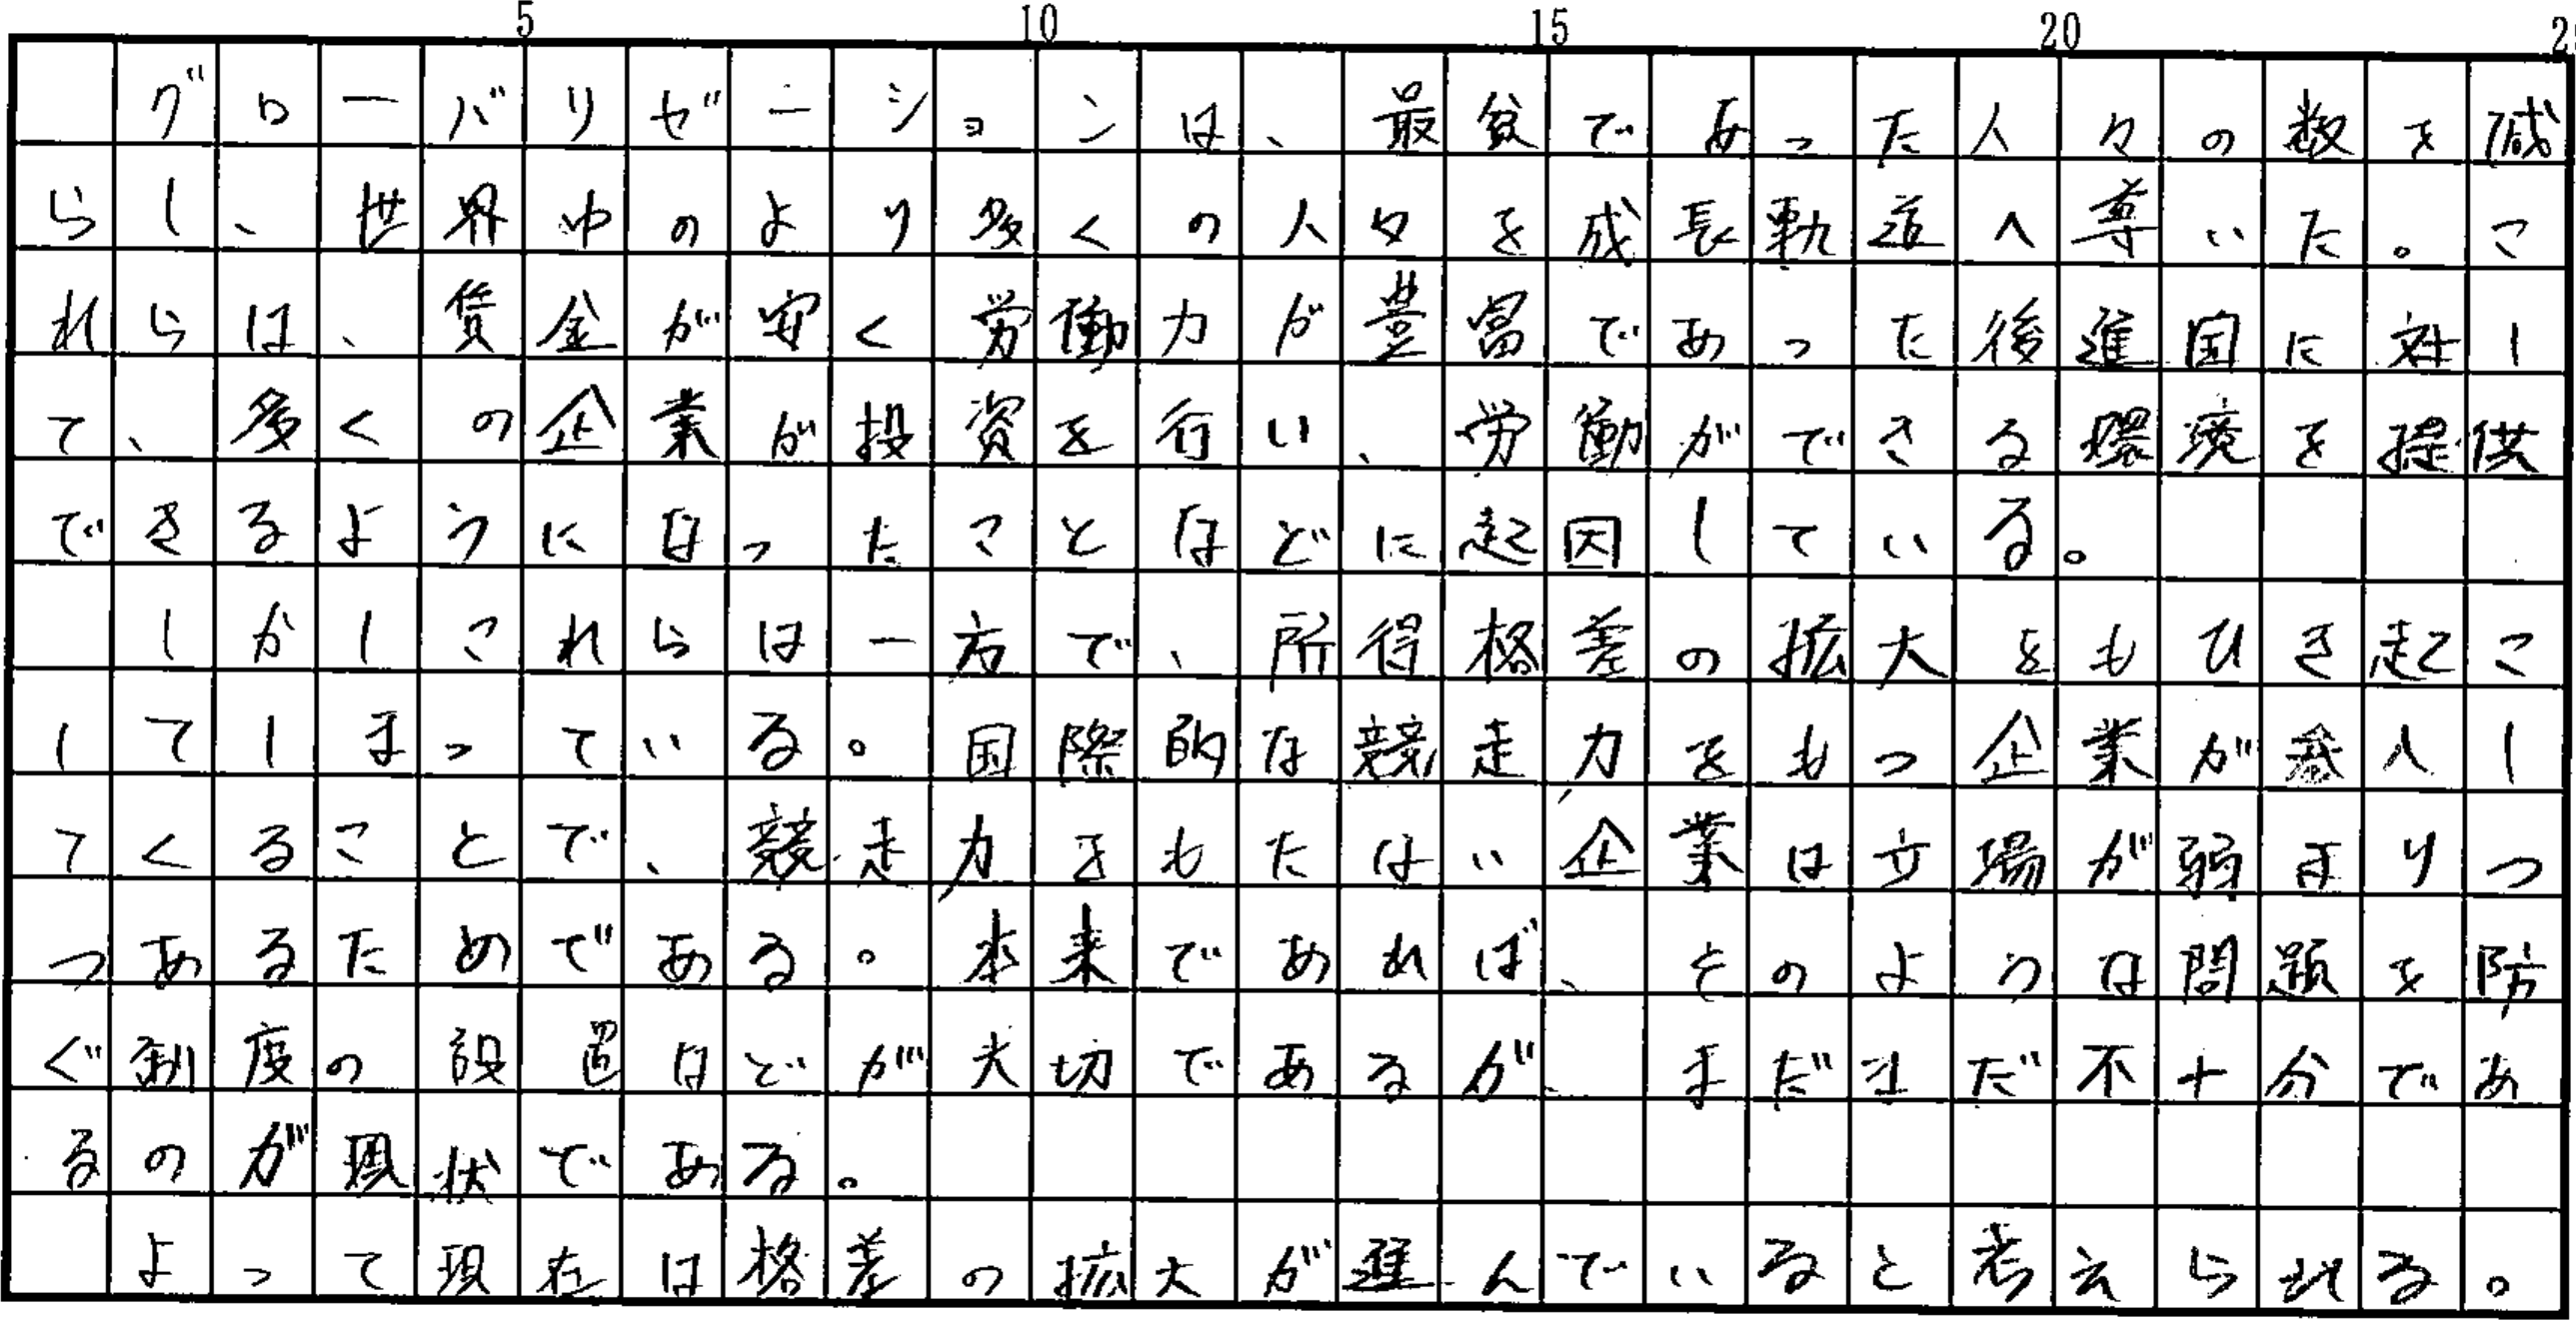　グローバリゼーションは、最貧であった人々の数を減らし、世界中のより多くの人々を成長軌道へ導いた。これらは、賃金が安く労働力が豊富であった後進国に対して、多くの企業が投資を行い、労働ができる環境を提供できるようになったことなどに起因している。
　しかしこれらは一方で、所得格差の拡大をもひき起こしてしまっている。国際的な競走力をもつ企業が参入してくることで、競走力をもたない企業は立場が弱まりつつあるためである。本来であれば、そのような問題を防ぐ制度の設置などが大切であるが、まだまだ不十分であるのが現状である。
　よって現在は格差の拡大が進んでいると考えられる。
